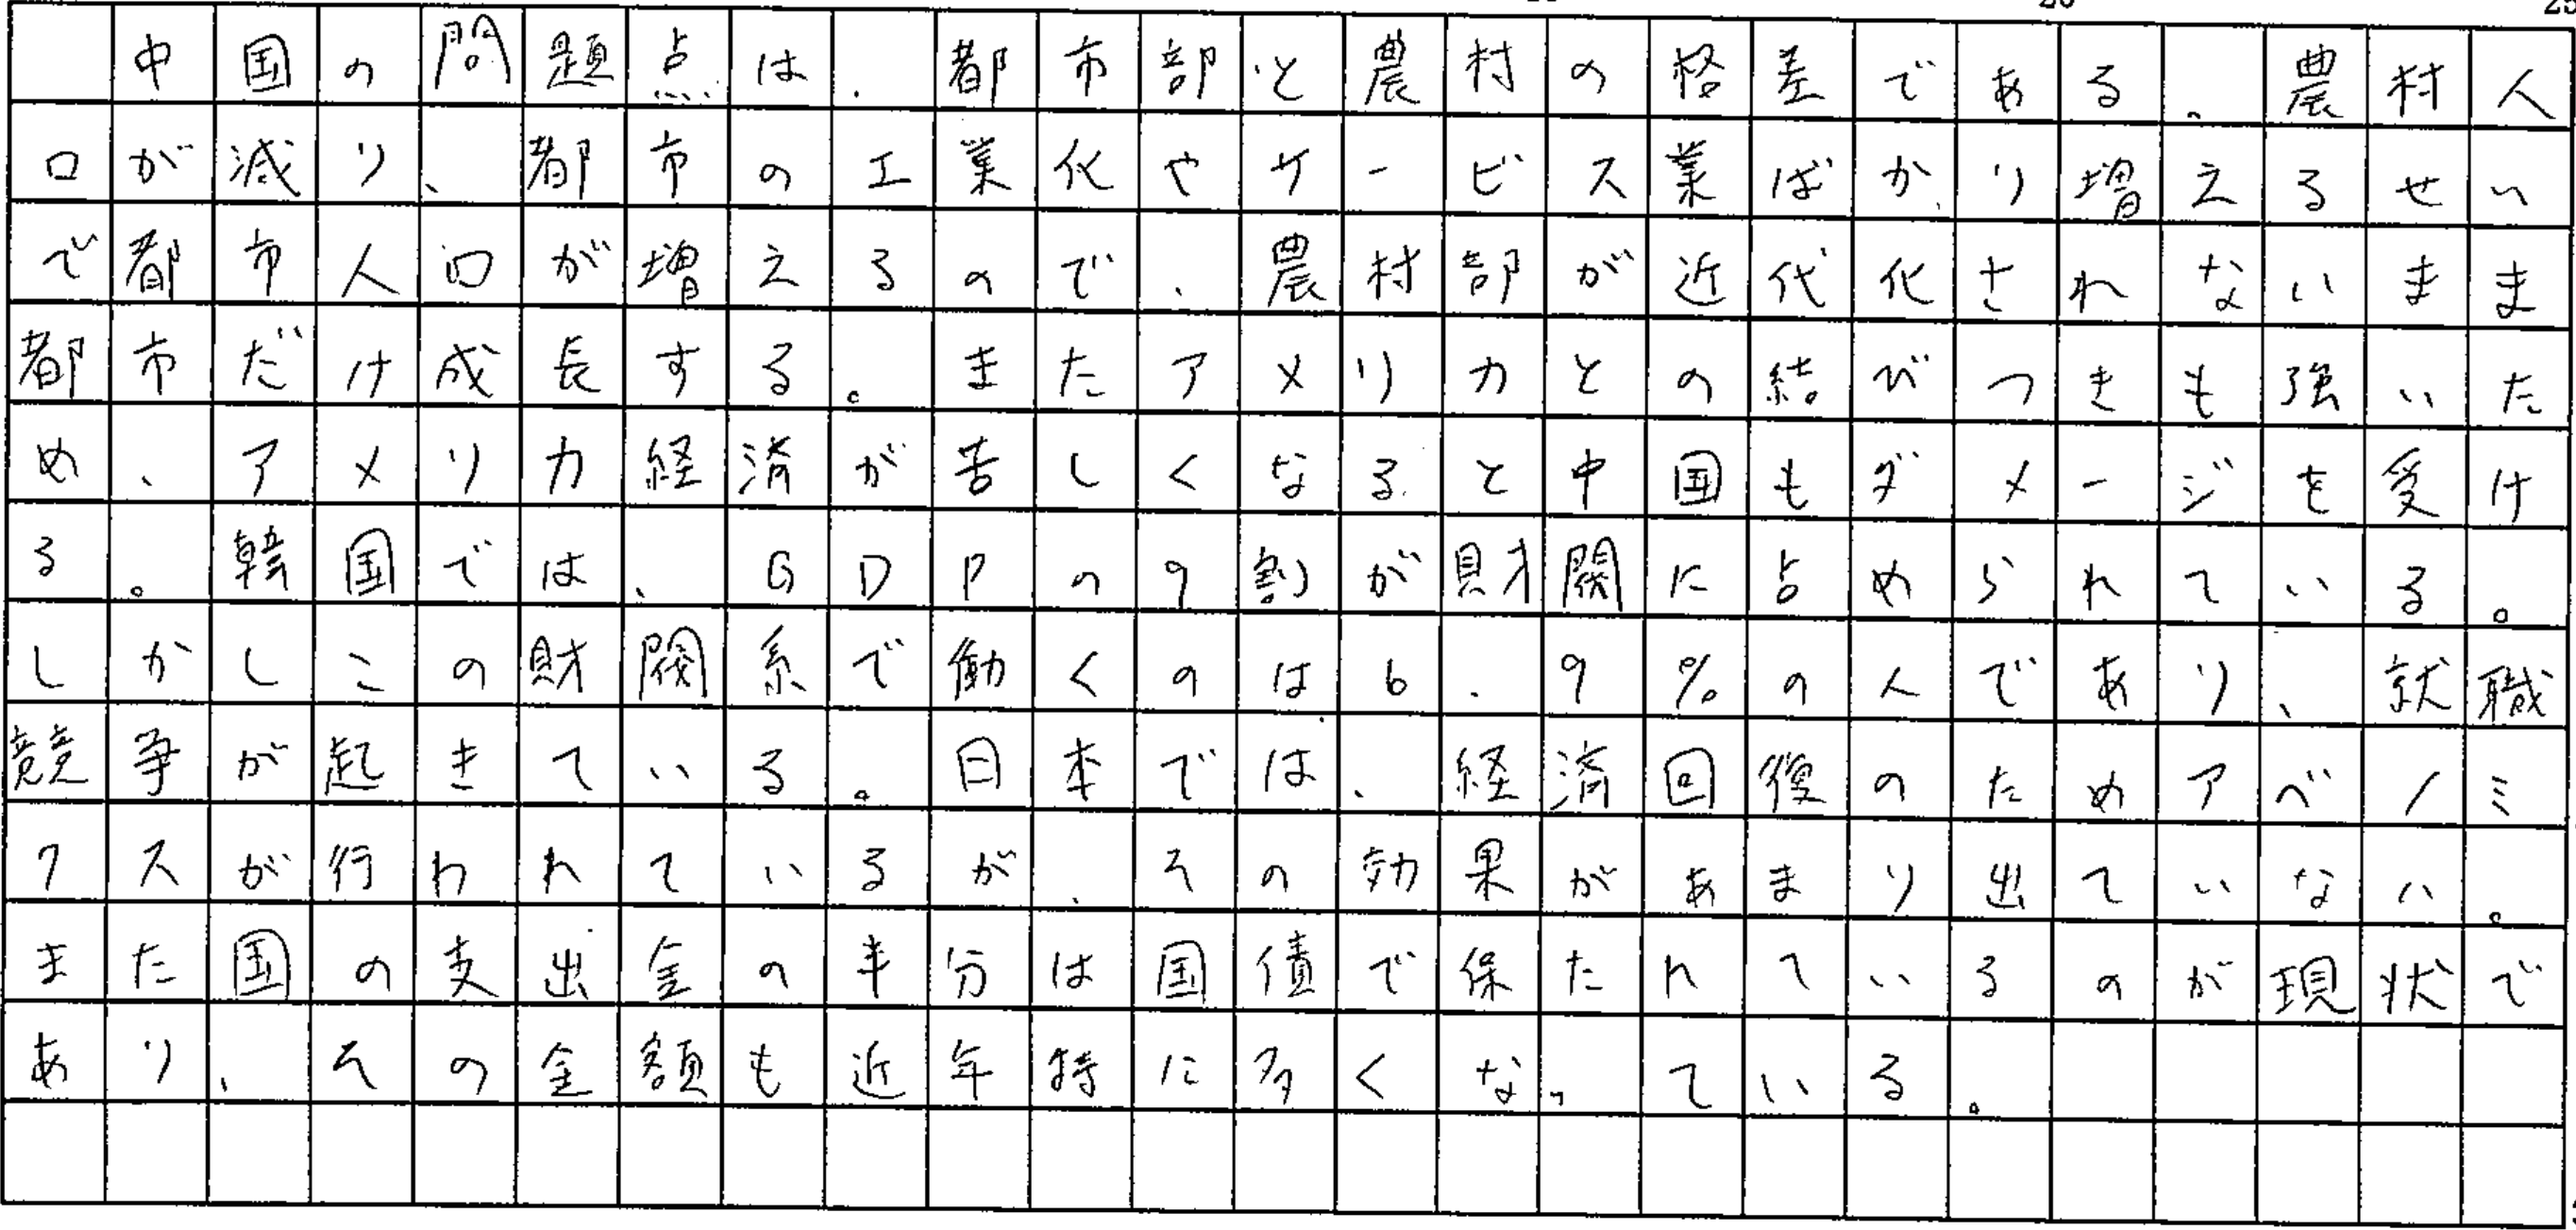　中国の問題点は、都市部と農村の格差である。農村人口が減り、都市の工業化やサービス業ばかり増えるせいで都市人口が増えるので、農村部が近代化されないまま都市だけ成長する。またアメリカとの結びつきも強いため、アメリカ経済が苦しくなると中国もダメージを受ける。韓国では、ＧＤＰの９割が財閥に占められている。しかしこの財閥系で働くのは６．９％の人であり、就職競争が起きている。日本では、経済回復のためアベノミクスが行われているが、その効果があまり出ていない。また国の支出金の半分は国債で保たれているのが現状であり、その金額も近年特に多くなっている。
